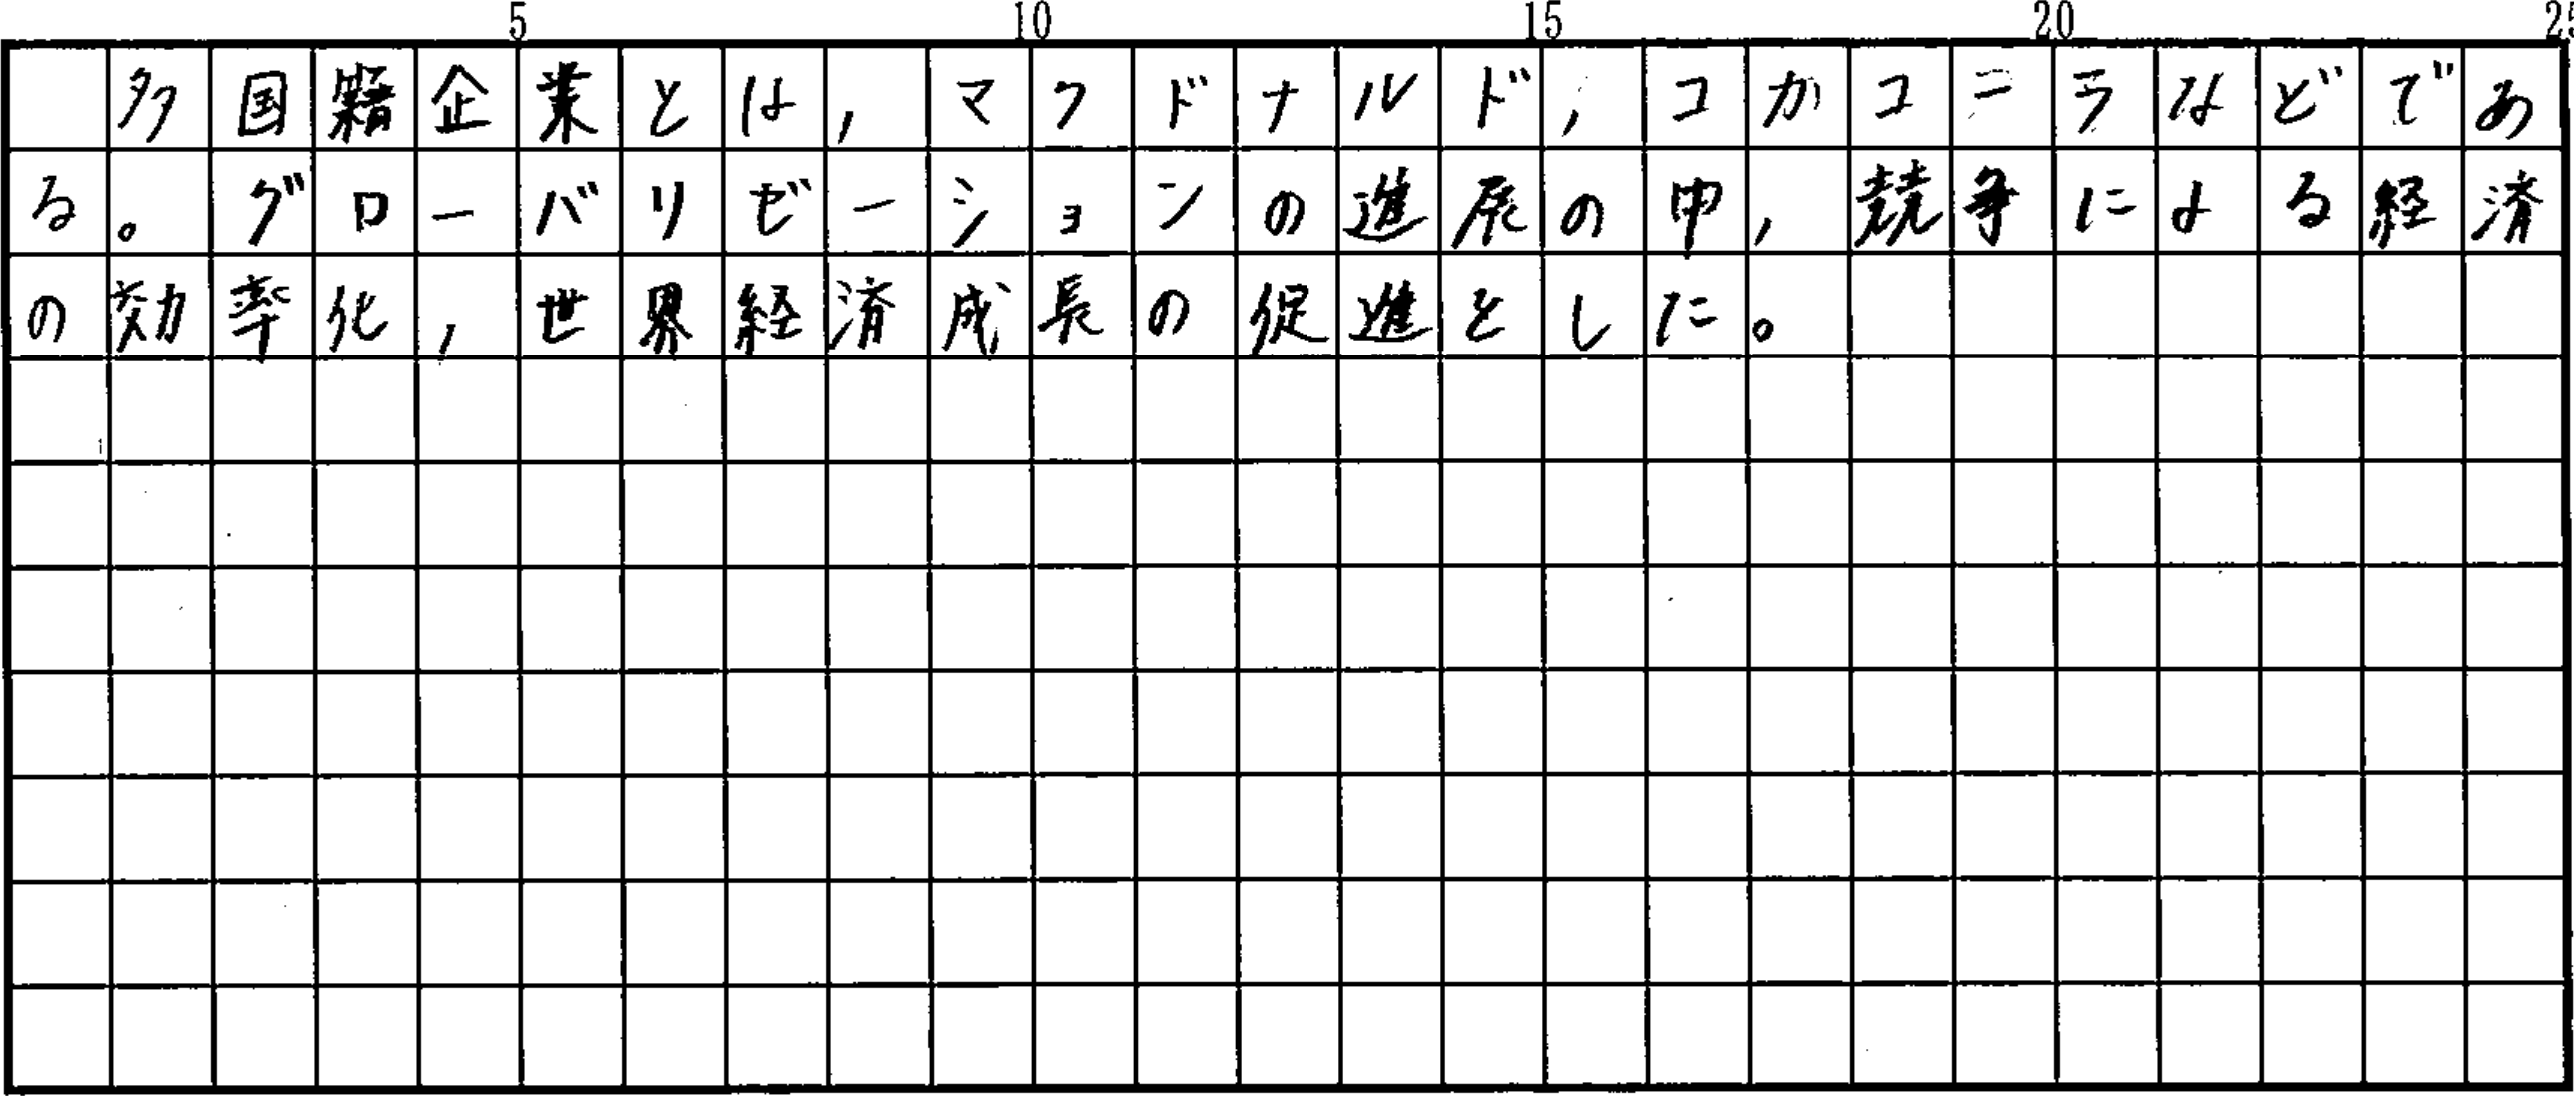　多国籍企業とは、マクドナルド、コカコーラなどである。グローバリゼーションの進展の中、競争による経済の効率化、世界経済成長の促進をした。
